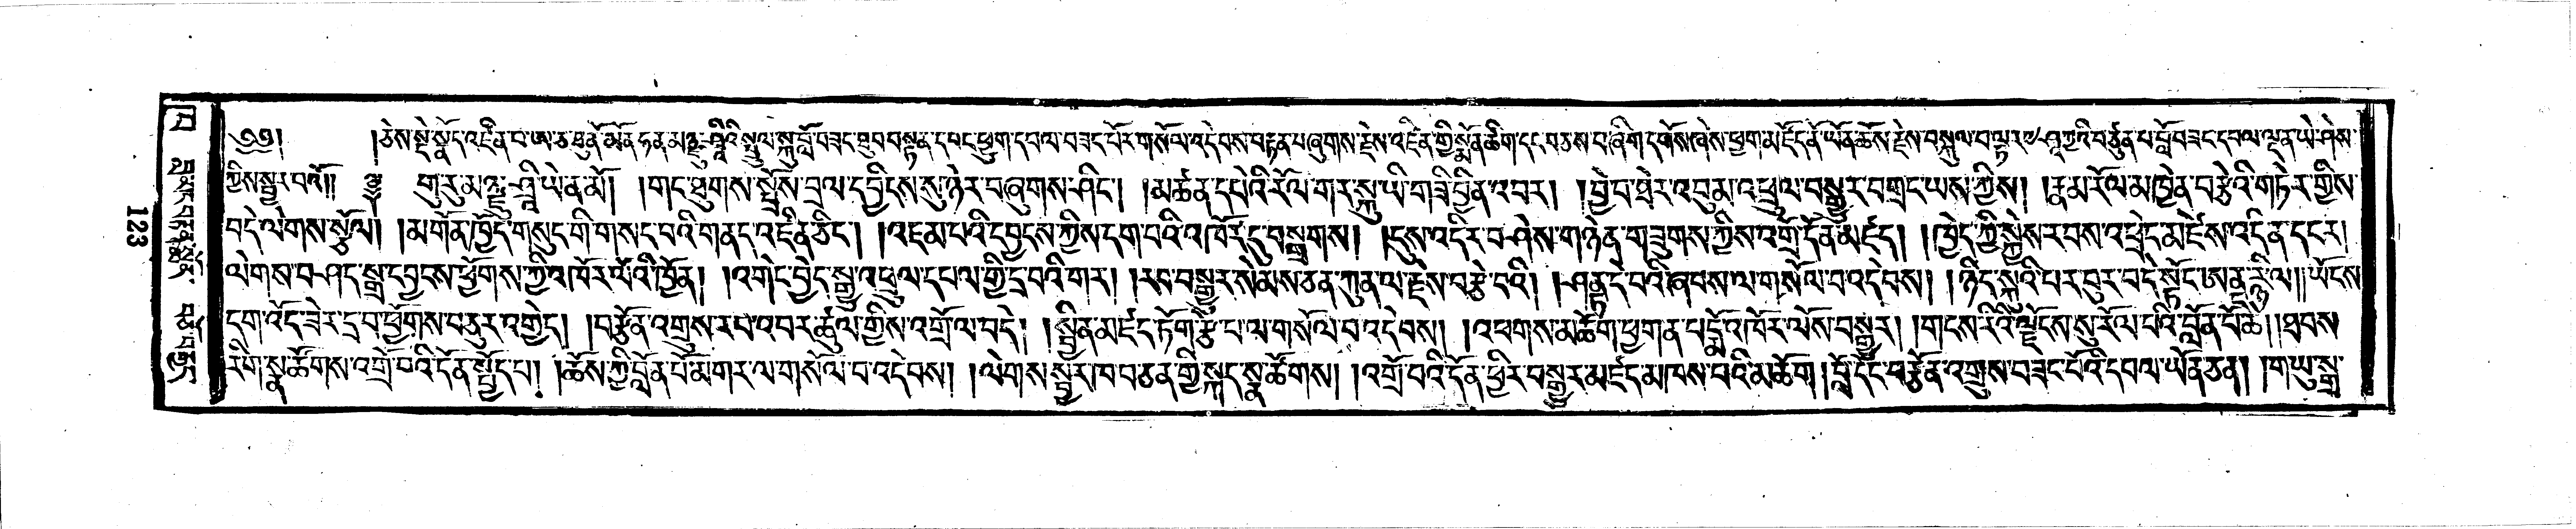༄༅། །ཅེས་སྡེ་སྣོད་འཛིན་པ་ཨ་ཅ་ཐུན་མོན་ཧན་མཉྫུ་ཤྲཱིའི་སྤྲུལ་སྐུ་བློ་བཟང་ཐུབ་བསྟན་དབང་ཕྱུག་དཔལ་བཟང་པོར་གསོལ་འདེབས་བརྟན་བཞུགས་རྗེས་འཛིན་གྱི་སྨོན་ཚིག་དང་བཅས་བཞིག་དགོས་ཞེས་ཕྱག་མཛོད་ནོ་ཡོན་ཆོས་རྗེས་བསྐུལ་བ་ལྟར་༧་ཤཱཀྱའི་བཙུན་པ་བློ་བཟང་དཔལ་ལྡན་ཡེ་ཤེས་
ཀྱིས་སྦྱར་བའོ།། ༈ གུ་རུ་མཉྫུ་ཤྲཱི་ཡེ་ན་མོ། །གང་ཐུགས་སྤྲོས་བྲལ་དབྱིངས་སུ་ཉེར་བཞུགས་ཤིང་། །མཚན་དཔེའི་རོལ་གར་སྐྱི་གཟི་བྱིན་འབར། །བྱེ་བ་ཐེར་འབུམ་འཕྲུལ་བསྒྱུར་བགྲང་ཡས་ཀྱིས། །རྣམ་རོལ་མཁྱེན་བརྩེའི་གཏེར་གྱིས་
བདེ་ལེགས་སྩོལ། །མགོན་ཁྱོད་གསུང་གི་གསང་བའི་གནད་འཛིན་ཅིང་། །འཇམ་པའི་དབྱངས་ཀྱིས་དག་པའི་འཁོར་དུ་བསྒྲགས། །དུས་འདིར་བཤེས་གཉེན་གཟུགས་ཀྱིས་འགྲོ་དོན་མཛད། །ཁྱེད་ཀྱི་སྐྱེས་རབས་འཕྲེང་མཛེས་འདིན་དངར།
ལེགས་བཤད་སྒྲ་དབྱངས་ཕྱྒོས་ཀྱི་འཁོར་ལོའི་ཁྱོན། །འགེང་བྱེད་སྒྱུ་འཕྲུལ་དཔལ་གྱི་དྲ་བའི་གར། ། རབ་བསྒྱུར་སེམས་ཅན་ཀུན་ལ་རྗེས་བརྩེ་བའི། །ཤནྟ་དེ་བའི་ཞབས་ལ་གསོལ་བ་འདེབས། །ཉིད་སྐུའི་པར་བུར་བདེ་སྟོང་ཨནྡ་རྙི་ལ། །ཡོངས་
དག་འོད་ཟེར་དྲ་བ་ཕྱོགས་བཅུར་འགྱེད། །བརྩོན་འགྲུས་རབ་འབར་ཚུལ་གྱིས་འགྲོལ་བདེ། །སྦྱིན་མཛད་ཏོག་རྩེ་པ་ལ་གསོལ་བ་འདེབས། །འཕགས་མཆོག་ཕྱག་ན་པདམོ་འཁོར་ལོས་བསྒྱུར། །གངས་རིའི་ལྗོངས་སུ་རོལ་པའི་བློན་པོ་ཆེ། །ཐབས་
རིག་སྣ་ཚོགས་འགྲོ་བའི་དོན་སྤྱོད་པ། །ཆོས་ཀྱི་བློ་ན་པོ་མགར་ལ་གསོལ་བ་འདེབས། །ལེགས་སྦྱར་ཁ་བ་ཅན་གྱི་སྐད་སྣ་ཚོགས། །འགྲོ་བའི་དོན་ཕྱིར་བསྒྱུར་མཛད་མཁས་པའི་མཆོག །བློ་དང་བརྩོན་འགྲུས་བཟང་པོའི་དཔལ་ཡོན་ཅན། །གཡུ་སྒྲ་